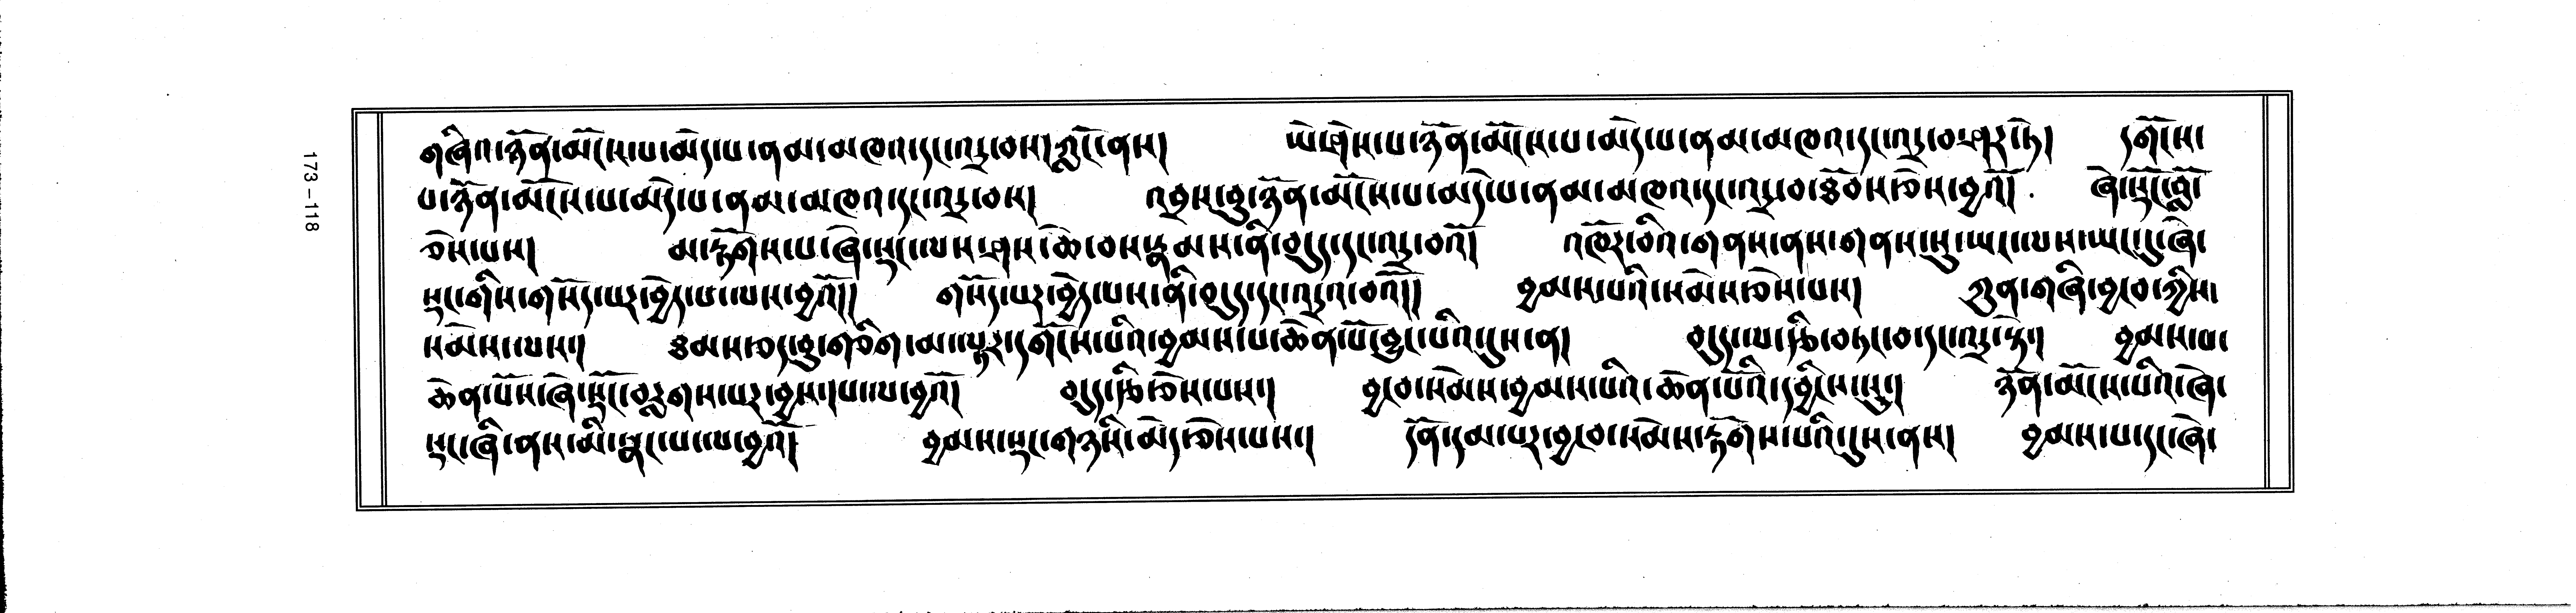གཞིའི་ཉོན་མོངས་པ་མེད་པ་ནམ་མཁའ་དང་འདྲ་བའི་ཀློང་ནས། ཡེ་ཤེས་པ་ཉོན་མོངས་པ་མེད་པ་ནམ་མཁའ་དང་འདྲ་བ་ཤར་ཏེ། དགོངས་
པ་ཉོན་མོངས་པ་མེད་པ་ནམ་མཁའ་དང་འདྲ་བས། འབྲས་བུ་ཉོན་མོངས་པ་མེད་པ་ནམ་མཁའ་དང་འདྲ་བ་ཐོབ་ཅེས་བྱའོ། །ཞེ་སྡང་བློ་
ཅེས་པས། མ་རྟོགས་པ་ཞེ་སྡང་ལས་ཤས་ཆེ་བ་རྣམས་ནི་བདུད་དང་འདྲ་བའོ། །འཁོར་བའི་གནས་ནས་གནས་སུ་ཡང་ནས་ཡང་དུ་ཞེ་
སྡང་གིས་གསོད་པར་བྱེད་པ་ལས་བྱའོ། གསོད་པར་བྱེད་པ་ནི་བདུད་དང་འདྲ་བའོ། བྱམས་པའི་སེམས་ཅེས་པས། ཀུན་གཞི་བྱང་ཆུབ་ཀྱི་
སེམས་ལས། ཐམས་ཅད་བུ་གཅིག་མ་ལྟར་དགོངས་པའི་བྱམས་པ་ཆེན་པོ་བྱུང་བའི་དུས་ན། བདུད་ལ་རྩི་བཏང་བ་དང་འདྲ་སྟེ། བྱམས་པ་
ཆེན་པོས་ཞེ་སྡང་བརླག་པ་ལ་བྱའོ། །བདུད་རྩི་ཅེས་པས། བྱང་ཆུབ་སེམས་བྱམས་པ་ཆེན་པོའི་དབྱིངས་སུ། ཉོན་མོངས་པའི་ཞེ་
སྡང་ཞི་ནས་མི་སྣང་བ་ལ་བྱའོ། བྱམས་སྡང་གཉིས་མེད་ཅེས་པས། དོན་དམ་པར་བྱང་ཆུབ་སེམས་རྟོགས་པའི་དུས་ནས། བྱམས་པ་དང་ཞེ་